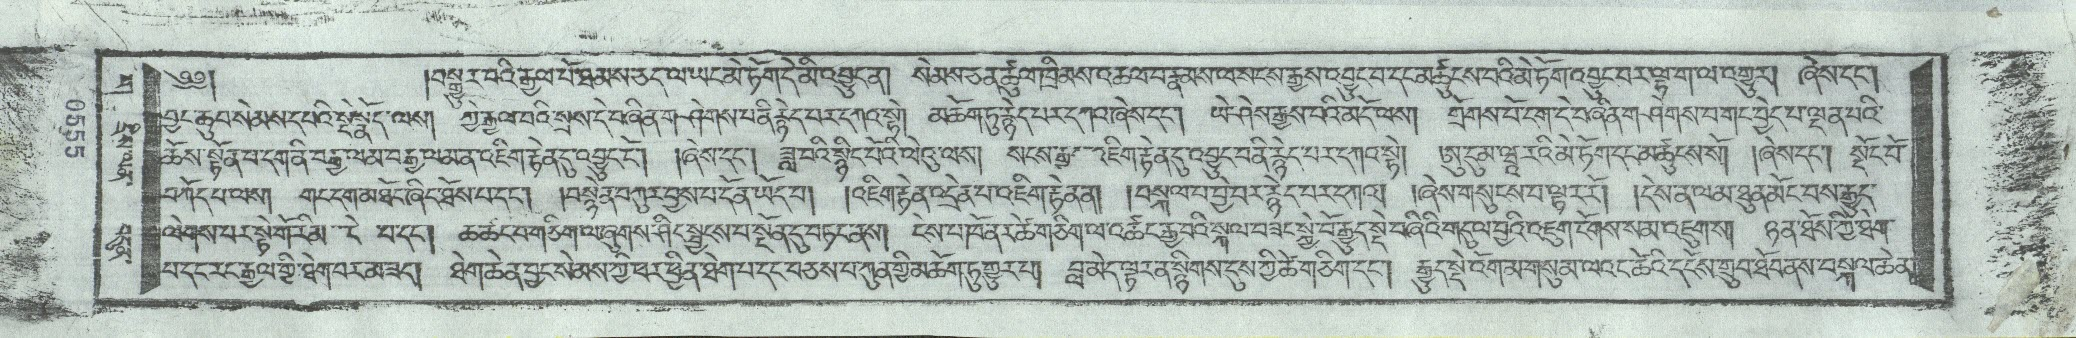༄༅། །བསྒྱུར་བའི་རྒྱལ་པོ་ཐམས་ཅད་ལ་ཡང་མེ་ཏོག་དེ་མི་འབྱུང་ན། སེམས་ཅན་ཚུལ་ཁྲིམས་འཆལ་བ་རྣམས་ལ་སངས་རྒྱས་འབྱུང་བ་དང་མཚུངས་བའི་མེ་ཏོག་འབྱུང་བར་ལྟ་ག་ལ་འགྱུར། ཞེས་དང་།
བྱང་ཆུབ་སེམས་དཔའི་སྡེ་སྣོད་ལས། ཀྱེ་རྒྱལ་བའི་སྲས་དེ་བཞིན་གཤེགས་པ་ནི་རྙེད་པར་དཀའ་སྟེ། མཆོག་ཏུ་རྙེད་པར་དཀའ་ཞེས་དང་། ཡེ་ཤེས་རྒྱས་པའི་མདོ་ལས། གྲོགས་པོ་དག་དེ་བཞིན་གཤེགས་པ་གང་བྱེད་པ་ལྡན་པའི་
ཆོས་སྟོན་པ་དག་ནི་བརྒྱ་ལམ་བརྒྱ་ལམ་ན་འཇིག་རྟེན་དུ་འབྱུང་ངོ། །ཞེས་དང་། ཟླ་བའི་སྙིང་པོའི་ལེའུ་ལས། སངས་རྒྱས་འཇིག་རྟེན་དུ་འབྱུང་བ་ནི་རྙེད་པར་དཀའ་སྟེ། ཨུ་དུམ་ཝཱ་རའི་མེ་ཏོག་དང་མཚུངས་སོ། །ཞེས་དང་། སྡོང་པོ་
བཀོད་པ་ལས། གང་དག་མཐོང་ཞིང་ཐོས་པ་དང་། །བསྙེན་བཀུར་བྱས་པ་དོན་ཡོད་པ། །འཇིག་རྟེན་འདྲེན་པ་འཇིག་རྟེན་ན། །བསྐལ་པ་བྱེ་བར་རྙེད་པར་དཀའ། །ཞེས་གསུངས་པ་ལྟར་རོ། །དེས་ན་ལམ་ཐུན་མོང་བས་རྒྱུད་
ལེགས་པར་སྟེ་གོ་རིམ་ངེ་བ་དང་། ཆ་ཚང་བ་གཅིག་ལ་ཞུགས་ཤིང་སྦྱངས་པ་སྔོན་དུ་བཏང་ནས། ངེས་པ་ཁོ་ནར་ཚེ་གཅིག་ལ་འཚང་རྒྱ་བའི་སྐལ་བཟང་སྐྱེ་བོ་རྒྱུད་སྡེ་བཞིའི་གདུལ་བྱའི་འཇུག་ངོགས་སམ་འཇུགས། ཉན་ཐོས་ཀྱི་ཐེག་
པ་དང་རང་རྒྱལ་གྱི་ཐེག་པར་མ་ཟད། ཐེག་ཆེན་བྱང་སེམས་ཀྱི་ཕར་ཕྱིན་ཐེག་པ་དང་བཅས་པ་ཀུན་གྱི་མཆོག་ཏུ་གྱུར་པ། བླ་མེད་ལྟར་ན་སྙིགས་དུས་ཀྱི་ཚེ་གཅིག་དང་། རྒྱུད་སྡེ་འོག་མ་གསུམ་ལའང་ཚེའི་དངོས་གྲུབ་ཐོབ་ནས་བསྐལ་ཆེན་